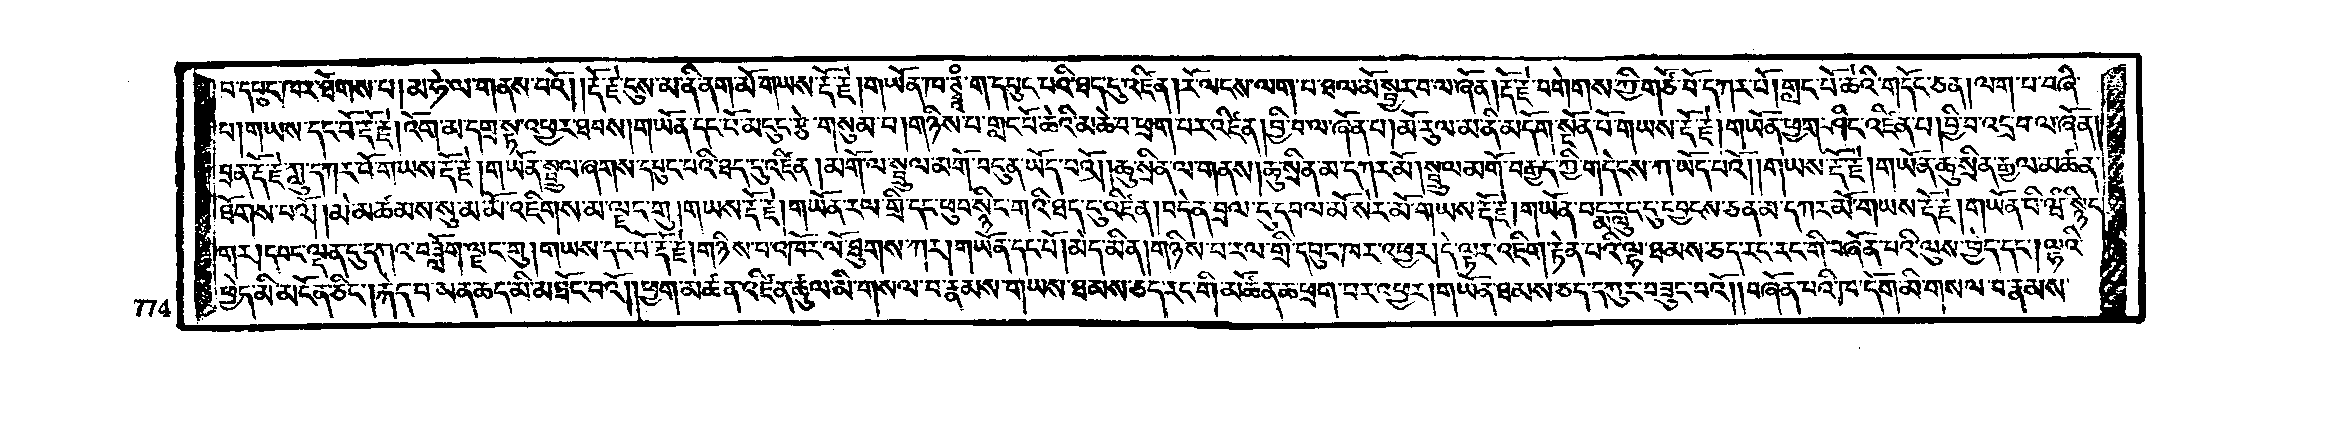པ་དཔུང་ཁར་ཐོགས་པ། མ་ཧེ་ལ་གནས་པའོ། །རྡོ་རྗེ་དུས་མ་ནི་ནག་མོ་གཡས་རྡོ་རྗེ། གཡོན་ཁ་ཊྭཾ་ག་དཔུང་པའི་ཐད་དི་འཛིན། རོ་ལངས་ལག་པ་ཐལ་མོ་སྦྱར་བ་ལ་ཞོན། རྡོ་རྗེ་བགེགས་ཀྱི་གཙོ་བོ་དཀར་པོ། གླང་པོ་ཆེའི་གདོང་ཅན། ལག་པ་བཞི་
པ། གཡས་དང་པོ་རྡོ་རྗེ། འོག་མ་དགྲ་སྟ་འཕྱར་ཐབས། གཡོན་དང་པོ་མདུད་རྩེ་གསུམ་པ། གཉིས་པ་གླང་པོ་ཆེའི་མཆེ་བ་ཕྲག་པར་འཛིན། བྱི་བ་ལ་ཞོན་པ། མོ་རུལ་མ་ནི་མདོག་སྔོན་པོ་གཡས་རྡོ་རྗེ། གཡོན་ཕྱག་ཤིང་འཛིན་པ། བྱི་བ་འདྲ་བ་ལ་ཞོན།
བྲན་རྡོ་རྗེ་ཀླུ་དཀར་པོ་གཡས་རྡོ་རྗེ། གཡོན་སྦྲུལ་ཞགས་དབུང་པའི་ཐད་དུ་འཛིན། མགོ་ལ་སྤྲུལ་མགོ་བདུན་ཡོད་པའོ། །ཆུ་སྲིན་ལ་གནས། ཆུ་སྲིན་མ་དཀར་མོ། སྦྲུལ་མགོ་བརྒྱད་ཀྱི་གདེངས་ཀ་ཡོད་པའོ། །གཡས་རྡོ་རྗེ། གཡོན་ཆུ་སྲིན་རྒྱལ་མཚན་
ཐོགས་པའོ། །མེ་མཚམས་སུ་མ་མོ་འཇིགས་མ་ལྗང་གུ །གཡས་རྡོ་རྗེ། གཡོན་རལ་གྲི་དང་ཕུབ་སྙིང་གའི་ཐད་དུ་འཛིན། བདེན་བྲལ་དུ་དཔལ་མོ་སེར་མོ་གཡས་རྡོ་རྗེ། གཡོན་པདམ་རླུང་དུ་དབྱངས་ཅན་མ་དཀར་མོ་གཡས་རྡོ་རྗེ། གཡོན་པི་ཝཾ་སྙིང་
གར། དབང་ལྡན་དུ་དཀའ་བཟློག་ལྗང་གུ། གཡས་དང་པོ་རྡོ་རྗེ། གཉིས་པ་འཁོར་ལོ་ཐུགས་ཀར། གཡོན་དང་པོ། མེད་མིན། གཉིས་པ་རལ་གྲི་དཔུང་ཁར་འཕྱིར། དེ་ལྟར་འྟྲིག་རྟེན་པའི་ལྷ་ཐམས་ཅད་རང་རང་གི་བཞོན་པའི་ལུས་ཕྱེད་དང་། ལྷའི་
ཕྱེད་མི་མངོན་ཅིང་། རྐེད་པ་མན་ཆད་མི་མཐོང་བའོ། །ཕྱག་མཚན་འཛིན་ཚུལ་མི་གསལ་བ་རྣམས་གཡས་ཐམས་ཅད་རང་གི་མཚོན་ཆ་ཕྲག་པར་འཕྱིར། གཡོན་ཐམས་ཅད་དཀུར་བཟུང་བའོ། །བཞོན་པའི་ཁ་དོག་མི་གསལ་བ་རྣམས།